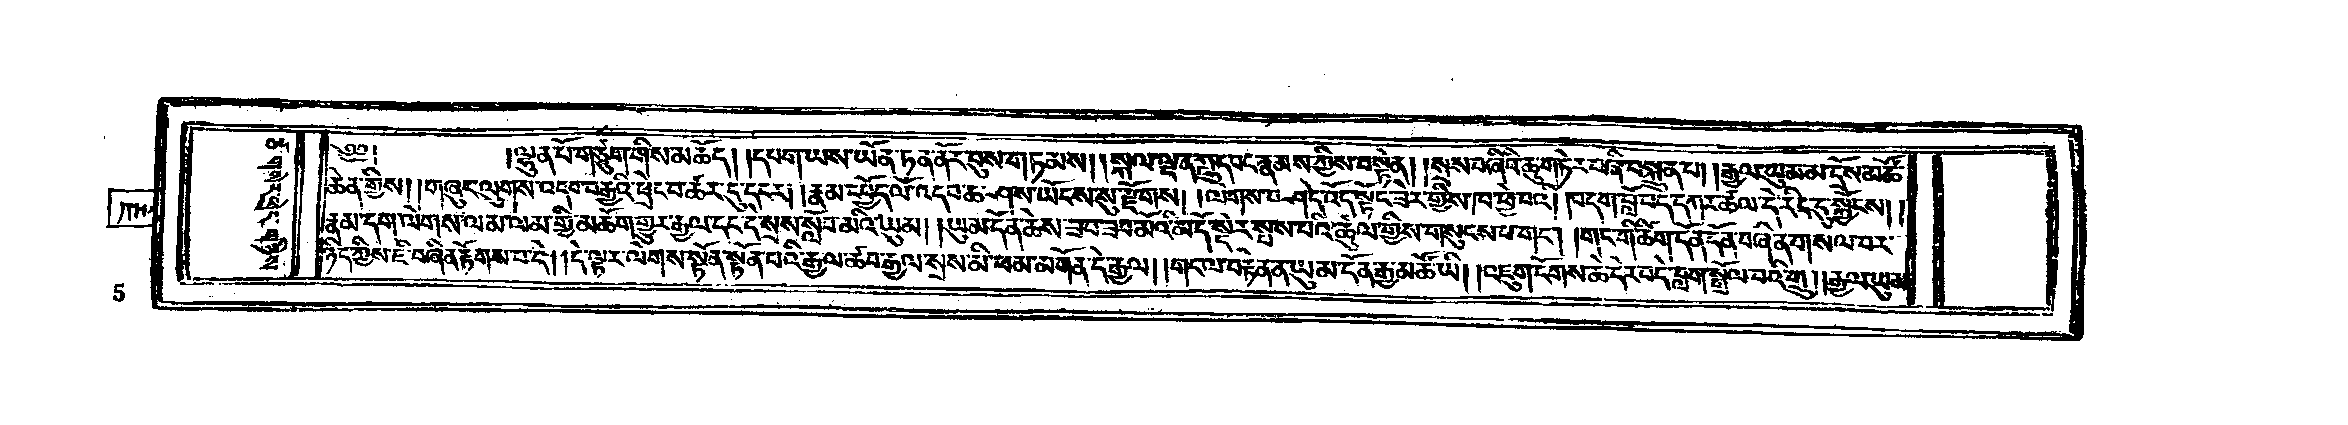༄༅། །ལྷུན་པོ་གཙུག་གིས་མཆོད། །དཔག་ཡས་ཡོན་ཏན་ནོར་བུས་གཏམས། །སྐལ་ལྡན་ཀླུ་དབང་རྣམས་ཀྱིས་བསྟེན། །སྲས་བཞིའི་ཆུ་གཏེར་བཞི་བསྐྲུན་པ། །རྒྱལ་ཡུམ་མ་དྲོས་མཚོ་
ཆེན་གྱིས། །གཞུང་ལུགས་འདབ་བརྒྱའི་ཕྲེང་བ་ཚར་དུ་དངར། །རྣམ་དཔྱོད་ལོ་འདབ་ཆ་ཤས་ཡོངས་སུ་རྫོགས། །ལེགས་བཤད་འོད་སྟོང་ཟེར་གྱིས་ཁ་ཕྱེ་བའི། །བདག་བློ་པད་དཀར་ཚལ་དེ་རིང་དུ་སྐྱོངས། །
རྣམ་དག་ལེགས་ལམ་ལམ་གྱི་མཆོག་གྱུར་རྒྱལ་དང་དེ་སྲས་སློབ་མའི་ཡུམ། །ཡུམ་དོན་ཆེས་ཟབ་ཟབ་མོའི་མདོ་སྡེར་སྦས་པའི་ཚུལ་གྱིས་གསུངས་པ་གང་། །གང་གི་ཚིག་དོན་དོན་བཞིན་གསལ་བར་
ཉིད་ཀྱིས་ཇི་བཞིན་རྟོགས་པ་དེ། །དེ་ལྟར་ལེགས་སྟོན་སྟོན་པའི་རྒྱལ་ཚབ་རྒྱལ་སྲས་མི་ཕམ་མགོན་དེ་རྒྱལ། །གང་ལ་བརྟེན་ན་ཡུམ་དོན་རྒྱ་མཚོ་ཡི། །འཇུག་ངོགས་ཆེ་དེར་བདེ་བླག་སྒྲོལ་བའི་གྲུ། །རྒྱལ་ཡུམ་